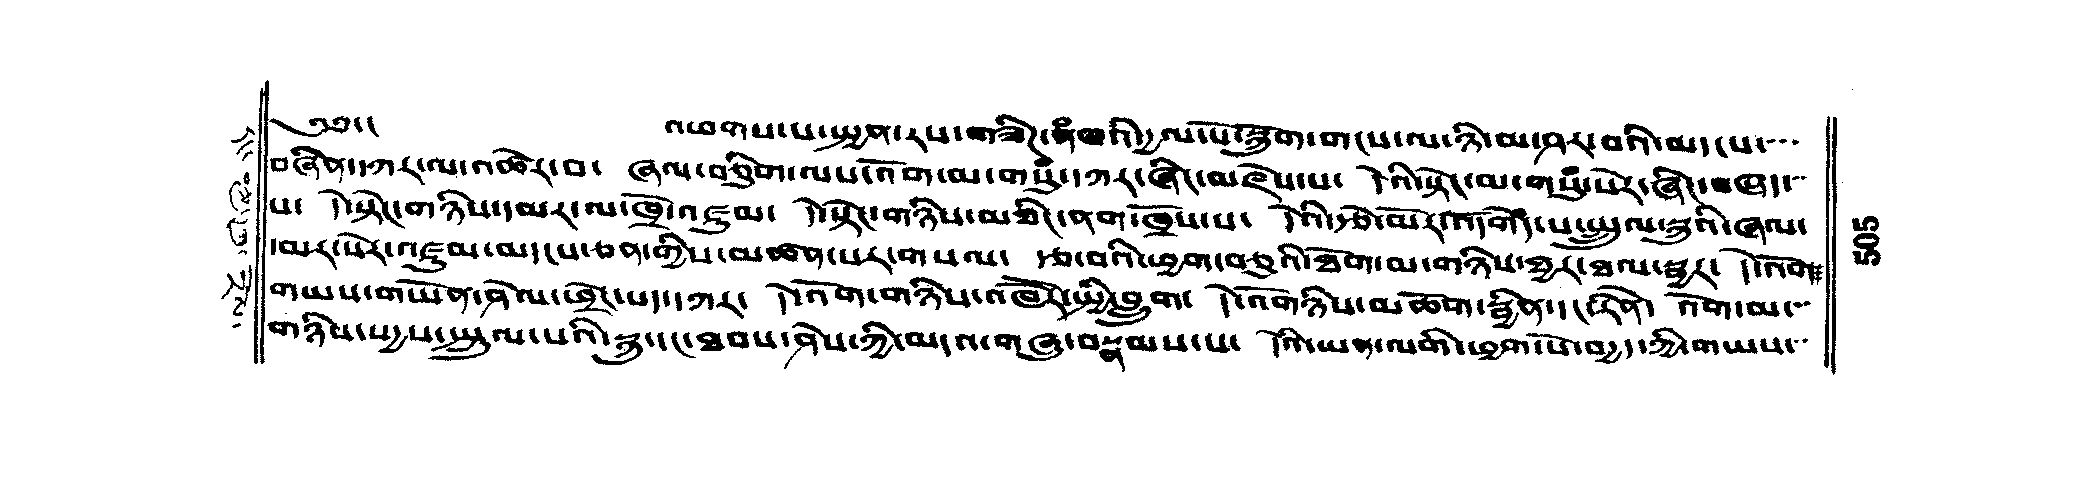འཕགས་པ་སྤྱན་རས་གཟིགས་ནམ་མཁའི་རྒྱལ་པོ་སྐུ་མདོག་གངས་ལ་ཉི་མ་ཤར་བའི་མདངས་
བཞིན་དཀར་ལ་འཚེར་བ། ཞལ་བཅུ་གཅིག་ལས་འོག་མ་གསུམ་དཀར་ཞིང་མཛེས་པ། དེའི་སྟེང་མ་གསུམ་སེར་ཞིང་བཞད་
པ། དེ་སྟེང་གཉིས་དམར་ལ་ཁྲོ་འཛུམ། དེ་སྟེང་གཉིས་མཐིང་ནག་ཁྲོས་པ། དེའི་རྩེ་མོར་འོད་དཔག་མེད་པ་སྤྲུལ་སྐུའི་ཞལ་
དམར་སེར་མཛུམ་མདངས་ཅན་གྱིས་མཚན་པར་གསལ། རྩ་བའི་ཕྱག་བཅུའི་ཐོག་མ་གཉིས་ཐུགས་ཀར་ཐལ་སྦྱར། དེ་འོག་
གཡས་གཡོན་ཤེལ་ཕྲེང་པད་དཀར། དེ་འོག་གཉིས་འཁོར་ལོ་སྤྱི་བླུག དེ་འོག་གཉིས་མཆོག་སྦྱིན་དང་རིན་ཆེན། འོག་མ་
གཉིས་སངས་རྒྱས་སྤྲུལ་བའི་སྐུ་དང་ཐབས་ཤེས་ཀྱི་མདའ་གཞུ་བསྣམས་པ། དེའི་ཡན་ལག་གི་ཕྱག་སོར་བརྒྱད་ཀྱི་གཡས་